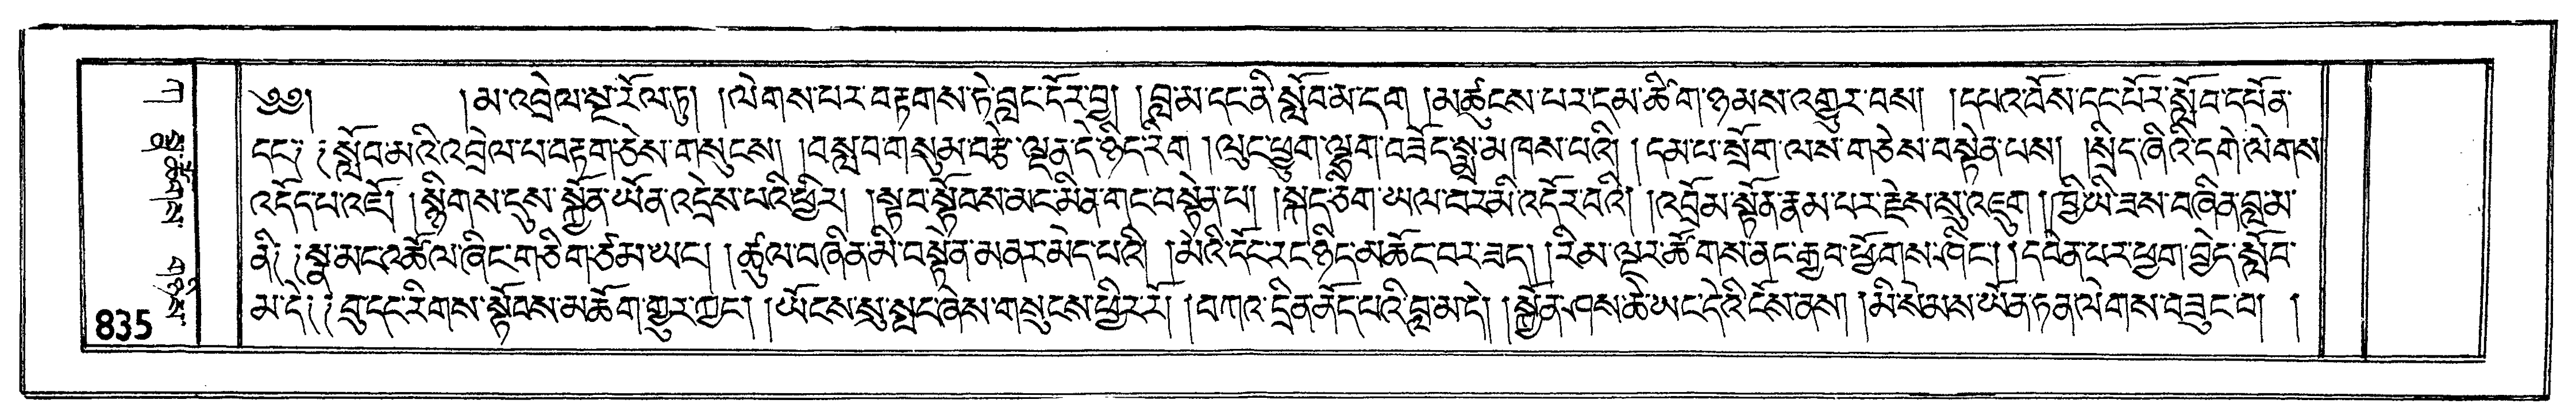༄༅། །མ་འབྲེལ་སྔ་རོལ་ཏུ། །ལེགས་པར་བརྟགས་ཏེ་བླང་དོར་བྱ། །བླ་མ་དང་ནི་སློབ་མ་དག །མཚུངས་པར་དམ་ཚིག་ཉམས་འགྱུར་བས། །དཔའ་བོས་དང་པོར་སློབ་དཔོན་
དང༑ ༑སློབ་མའི་འབྲེལ་པ་བརྟག་ཅེས་གསུངས། །བསླབ་གསུམ་བརྩེ་ལྡན་དེ་ཉིད་རིག །ལུང་ཕྱུག་ལྷག་བཟོད་སྨྲ་མཁས་པའི། །དམ་པ་སྲོག་ལས་གཅེས་བསྟེན་པས། །སྲིད་ཞིའི་དགེ་ལེགས་
འདོད་པ་འཇོ། །སྙིགས་དུས་སྐྱོན་ཡོན་འདྲེས་པའི་ཕྱིར། །སྟབ་སྟོབས་མང་མིན་གང་བསྟེན་པ། །སྐད་ཅིག་ཡལ་བར་མི་འདོར་བའི། །འབྲོམ་སྟོན་རྣམ་པར་རྗེས་སུ་འཇུག །ཁྱི་ཡི་ཟས་བཞིན་བླ་མ་
ནི༑ ༑སྣ་མང་འཚོལ་ཞིང་གཅིག་ཙམ་ཡང་། །ཚུལ་བཞིན་མི་བསྟེན་མནར་མེད་པའི། །མེའི་དོང་རང་ཉིད་མཆོང་བར་ཟད། །རིམ་ལྔར་ཚོགས་ནང་རྒྱབ་ཕྱོགས་ཤིང་། །དབེན་པར་ཕྱག་བྱེད་སློབ་
མ་དེ། །བུ་དང་རིགས་སྟོབས་མཆོག་གྱུར་ཀྱང་། །ཡོངས་སུ་སྤང་ཞེས་གསུངས་ཕྱིར་རོ། །བཀའ་དྲིན་ནོད་པའི་བླ་མ་དེ། །སྐྱོན་ཤས་ཆེ་ཡང་དེའི་ངོས་ནས། །མི་སེམས་ཡོན་ཏན་ལེགས་བཟུང་བ། །